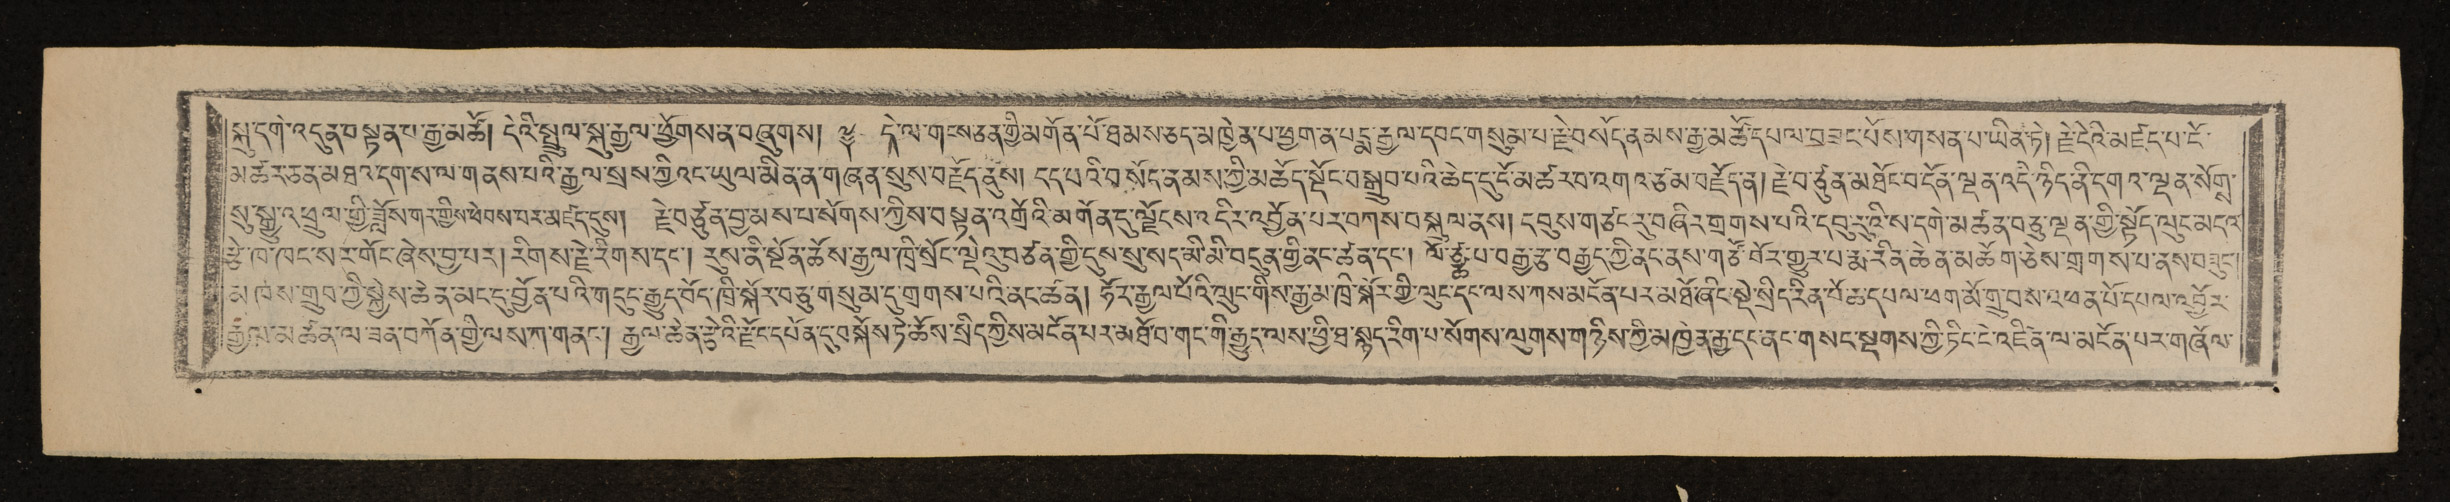སྐུ་དགེ་འདུན་བསྟན་པ་རྒྱ་མཚོ། དེའི་སྤྲུལ་སྐུ་རྒྱལ་ཕྱོགས་ན་བཞུགས། ༈ དེ་ལ་གངས་ཅན་གྱི་མགོན་པོ་ཐམས་ཅད་མཁྱེན་པ་ཕྱག་ན་པདམ་རྒྱལ་དབང་གསུམ་པ་རྗེ་བསོད་ནམས་རྒྱ་མཚོ་དཔལ་བཟང་པོས་གསན་པ་ཡིན་ཏེ། རྗེ་དེའི་མཛད་པ་ངོ་
མཚར་ཅན་མཐའ་དག་ས་ལ་གནས་པའི་རྒྱལ་སྲས་ཀྱི་འང་ཡུལ་མིན་ན་གཞན་སུས་བརྗོད་ནུས། དད་པའི་བསོད་ནམས་ཀྱི་མཆོད་སྡོང་བསྒྲུབ་པའི་ཆེད་དུ་ངོ་མཚར་བ་འགའ་ཙམ་བརྗོད་ན། རྗེ་བཙུན་མཐོང་བ་དོན་ལྡན་འདི་ཉིད་ནི་དགའ་ལྡན་སོགས་
སུ་སྒྱུ་འཕྲུལ་གྱི་ཟློས་གར་གྱིས་ཕེབས་པར་མཛད་དུས། རྗེ་བཙུན་བྱམས་པ་སོགས་ཀྱིས་བསྟན་འགྲོའི་མགོན་དུ་ལྗོངས་འདིར་འབྱོན་པར་བཀས་བསྐུལ་ནས། དབུས་གཙང་རུ་བཞིར་གྲགས་པའི་དབུ་རུའི་ས་དགེ་མཚན་བཅུ་ལྡན་གྱི་སྟོད་ལུང་མདའ་
རྩེ་ཁ་ཁང་སར་གོང་ཞེས་བྱ་པར། རིགས་རྗེ་རིགས་དང་། རུས་ནི་སྔོན་ཆོས་རྒྱལ་ཁྲི་སྲོང་ལྡེའུ་བཙན་གྱི་དུས་སུ་སད་མི་མི་བདུན་གྱི་ནང་ཚན་དང་། ལོ་ཙྪ་བ་བརྒྱ་རྩ་བརྒྱད་ཀྱི་ནང་ནས་གཙོ་བོར་གྱུར་པ་རྨ་རིན་ཆེན་མཆོག་ཅེས་གྲགས་པ་ནས་བཟུང་
མཁས་གྲུབ་ཀྱི་སྐྱེས་ཆེན་མང་དུ་བྱོན་པའི་གདུང་རྒྱུད་བོད་ཁྲི་སྐོར་བཅུ་གསུམ་དུ་གྲགས་པའི་ནང་ཚན། ཧོར་རྒྱལ་པོའི་ལུང་གིས་རྒྱ་མ་ཁྲི་སྐོར་གྱི་ལུང་དང་ལས་ཀས་མངོན་པར་མཐོ་ཞིང་སྡེ་སྲིད་རིན་པོ་ཆེ་དཔལ་ཕག་མོ་གྲུ་བས་འཕན་པོ་དཔལ་འབྱོར་
རྒྱལ་མཚན་ལ་ཟན་བཀོན་གྱི་ལས་ཀ་གནང་། རྒྱལ་ཆེན་རྩེའི་རྫོང་དཔོན་དུ་བསྐོས་ཏེ་ཆོས་སྲིད་ཀྱིས་མངོན་པར་མཐོ་བ་གང་གི་རྒྱུད་ལས་ཕྱི་ཐ་སྙད་རིག་པ་སོགས་ལུགས་གཉིས་ཀྱི་མཁྱེན་རྒྱ་དང་ནང་གསང་སྔགས་ཀྱི་ཏིང་ངེ་འཛིན་ལ་མངོན་པར་གཞོལ་